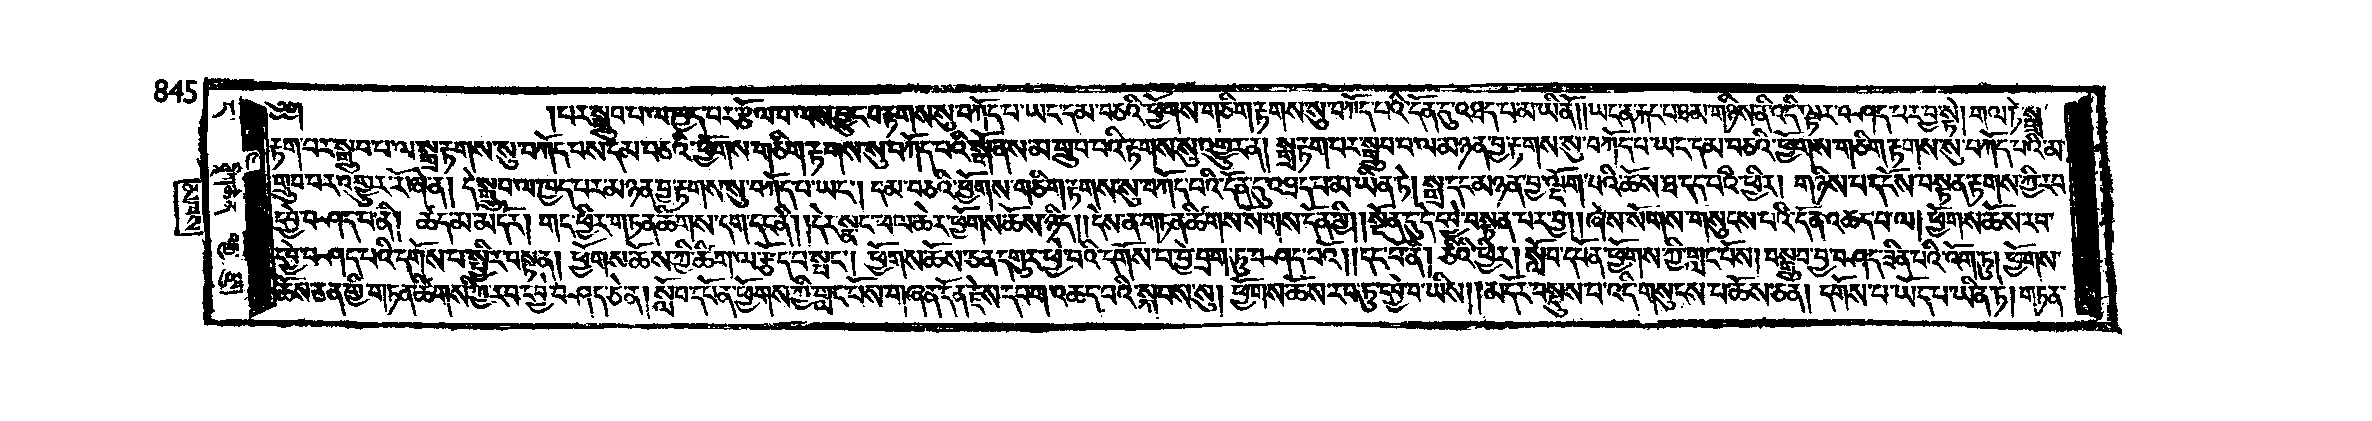༄༅། །པར་སྒྲུབ་པ་ལ་ཁྱད་པར་རྩོལ་བ་ལས་བྱུང་བ་རྟགས་སུ་བཀོད་པ་ཡང་དམ་བཅའི་ཕྱོགས་གཅིག་རྟགས་སུ་བཀོད་པའི་དོན་དུ་འཐད་པ་མ་ཡིན་ནོ། །ཡང་ན་རྐང་པ་ཐ་མ་གཉིས་ནི་འདི་ལྟར་བཤད་པར་བྱ་སྟེ། གལ་ཏེ་སྒྲ་
རྟག་པར་སྒྲུབ་པ་ལ་སྒྲ་རྟགས་སུ་བཀོད་པས་དམ་བཅའི་ཕྱོགས་གཅིག་རྟགས་སུ་བཀོད་པའི་སྒོ་ནས་མ་གྲུབ་པའི་རྟགས་སུ་འགྱུར་ན། སྒྲ་རྟག་པར་སྒྲུབ་པ་ལ་མཉན་བྱ་རྟགས་སུ་བཀོད་པ་ཡང་དམ་བཅའི་ཕྱོགས་གཅིག་རྟགས་སུ་བཀོད་པའི་མ་
གྲུབ་པར་འགྱུར་རོ་ཞེ་ན། དེ་སྒྲུབ་ལ་ཁྱད་པར་མཉན་བྱ་རྟགས་སུ་བཀོད་པ་ཡང་། དམ་བཅའི་ཕྱོགས་གཅིག་རྟགས་སུ་བཀོད་པའི་དོན་དུ་འཐད་པ་མ་ཡིན་ཏེ། སྒྲ་དང་མཉན་བྱ་ལྡོག་པའི་ཆོས་ཐ་དད་པའི་ཕྱིར། གཉིས་པ་དངོས་བསྟན་རྟགས་ཀྱི་རབ་
དབྱེ་བཤད་པ་ནི། ཚད་མ་མདོར། གང་ཕྱིར་གཏན་ཚིགས་དག་དང་ནི། དེར་སྣང་ཕལ་ཆེར་ཕྱོགས་ཆོས་ཉིད། །དེས་ན་གཏན་ཚིགས་སོགས་དོན་གྱི། །སྔོན་དུ་དེ་དབྱེ་བསྟན་པར་བྱ། །ཞེས་སོགས་གསུངས་པའི་དོན་འཆད་པ་ལ། ཕྱོགས་ཆོས་རབ་
དབྱེ་བཤད་པའི་དགོས་པ་སྤྱིར་བསྟན། ཕྱོགས་ཆོས་ཀྱི་ཚིག་ལ་རྩོད་པ་སྤང་། ཕྱོགས་ཆོས་ཅན་དགུར་ཕྱེ་བའི་དགོས་པ་བྱེ་བྲག་ཏུ་བཤད་པའོ། །དང་པོ་ནི། ཅིའི་ཕྱིར། སློབ་དཔོན་ཕྱོགས་ཀྱི་གླང་པོས། བསྒྲུབ་བྱ་བཤད་ཟིན་པའི་འོག་ཏུ། ཕྱོགས་
ཆོས་ཅན་གྱི་གཏན་ཚིགས་ཀྱི་རབ་དབྱེ་བཤད་ཅེ་ན། སློབ་དཔོན་ཕྱོགས་ཀྱི་གླང་པོས་གཞན་དོན་རྗེས་དཔག་འཆད་པའི་སྐབས་སུ། ཕྱོགས་ཆོས་རབ་ཏུ་དབྱེ་བ་ཡིས། །མདོར་བསྡུས་པ་འདི་གསུངས་པ་ཆོས་ཅན། དགོས་པ་ཡོད་པ་ཡིན་ཏེ། གཏན་